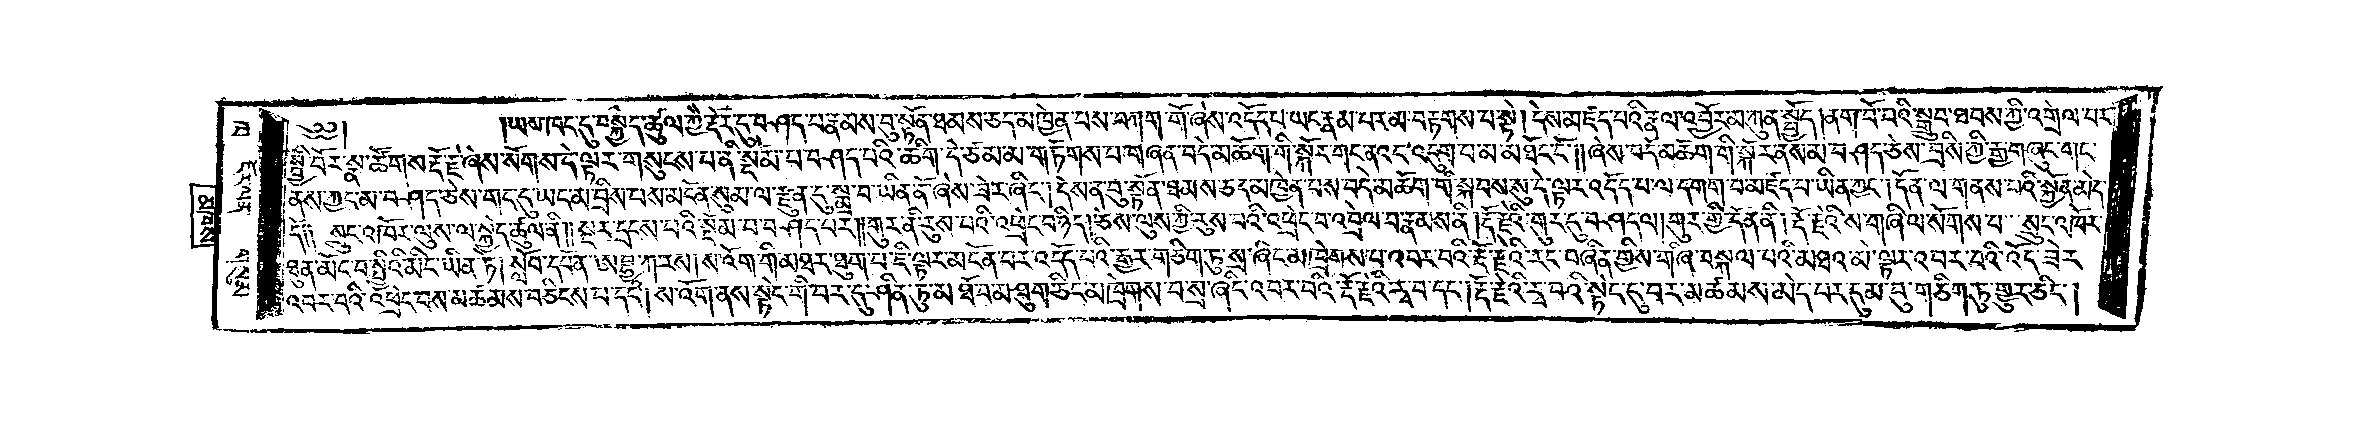༄༅། །ཡས་ཁང་དུ་བསྐྱེད་ཚུལ་ཀྱཻ་རྡོར་དུ་བཤད་པ་རྣམས་སུ་སྟོན་ཐམས་ཅད་མཁྱེན་པས་བཀག་གོ་ཞེས་འདོད་པ་ཡང་རྣམ་པར་མ་བརྟགས་པ་སྟེ། དེས་མཛད་པའི་རྣལ་འབྱོར་མ་ཀུན་སྤྱོད། ནག་པོ་བའི་སྒྲུབ་ཐབས་ཀྱི་འགྲེལ་པར་
སྤྱི་བོར་སྣ་ཚོགས་རྡོ་རྗེ་ཞེས་སོགས་དེ་ལྟར་གསུངས་པ་ནི་སྡོམ་པ་བཤད་པའི་ཚིག་དེ་ཙམ་མ་གཏོགས་པ་གཞན་བདེ་མཆོག་གི་སྐོར་གང་ནའང་འདུག་པ་མ་མཐོང་ངོ། །ཞེས་བདེ་མཆོག་གི་སྐོར་ནས་མ་བཤད་ཅེས་བྲིས་ཀྱི་རྒྱ་གཞུང་གང་
ནས་ཀྱང་མ་བཤད་ཅེས་གང་དུ་ཡང་མ་བྲིས་པས་མངོན་སུམ་ལ་རྫུན་དུ་སྨྲ་བ་ཡིན་ནོ་ཞེས་ཟེར་ཞིང་། དེས་ན་བུ་སྟོན་ཐམས་ཅད་མཁྱེན་པས་བདེ་མཆོག་གི་སྐབས་སུ་དེ་ལྟར་འདོད་པ་ལ་དགག་པ་མཛད་པ་ཡིན་ཀྱང་། དོན་ལ་གནས་པའི་སྐྱོན་མེད་
དོ༑ ༑སྲུང་འཁོར་ལུས་ལ་སྐྱེད་ཚུལ་ནི། །སྔར་དྲངས་པའི་སྡོམ་པ་བཤད་པར། །གུར་ནི་རུས་པའི་འཕྲེང་བ་ཉིད། ཅེས་ལུས་ཀྱི་རུས་པའི་འཕྲེང་བ་འབྲེལ་བ་རྣམས་ནི། རྡོ་རྗེའི་གུར་དུ་བཤད་ལ། གུར་གྱི་དོན་ནི། རྡོ་རྗེའི་ས་གཞི་ལ་སོགས་པ་སྲུང་འཁོར་
ཐུན་མོང་བ་སྤྱིའི་མིང་ཡིན་ཏེ། སློབ་དཔོན་ཨབྷྱ་ཀ་རས། ས་འོག་གི་མཐར་ཐུག་པ་ཇི་ལྟར་མངོན་པར་འདོད་པའི་རྒྱར་གཅིག་ཏུ་སྲ་ཞིང་མཁྲེགས་པ་འབར་བའི་རྡོ་རྗེའི་རང་བཞིན་གྱིས་གཞི་བསྐལ་པའི་མཐའ་མེ་ལྟར་འབར་བའི་འོད་ཟེར་
འབར་བའི་འཕྲེང་བས་མཚམས་བཅིངས་པ་དང་། ས་འོག་ནས་སྟེང་གི་བར་དུ་ཤིན་ཏུ་མ་ཐོབ་མ་ཐུག་ཅིང་མཁྲེང་པ་སྲ་ཞིང་འབར་བའི་རྡོ་རྗེའི་རྭ་བའི་སྟེང་དུ་བར་མཚམས་མེད་པར་དུ་མ་བུ་གཅིག་ཏུ་གྱུར་ཅིང་།